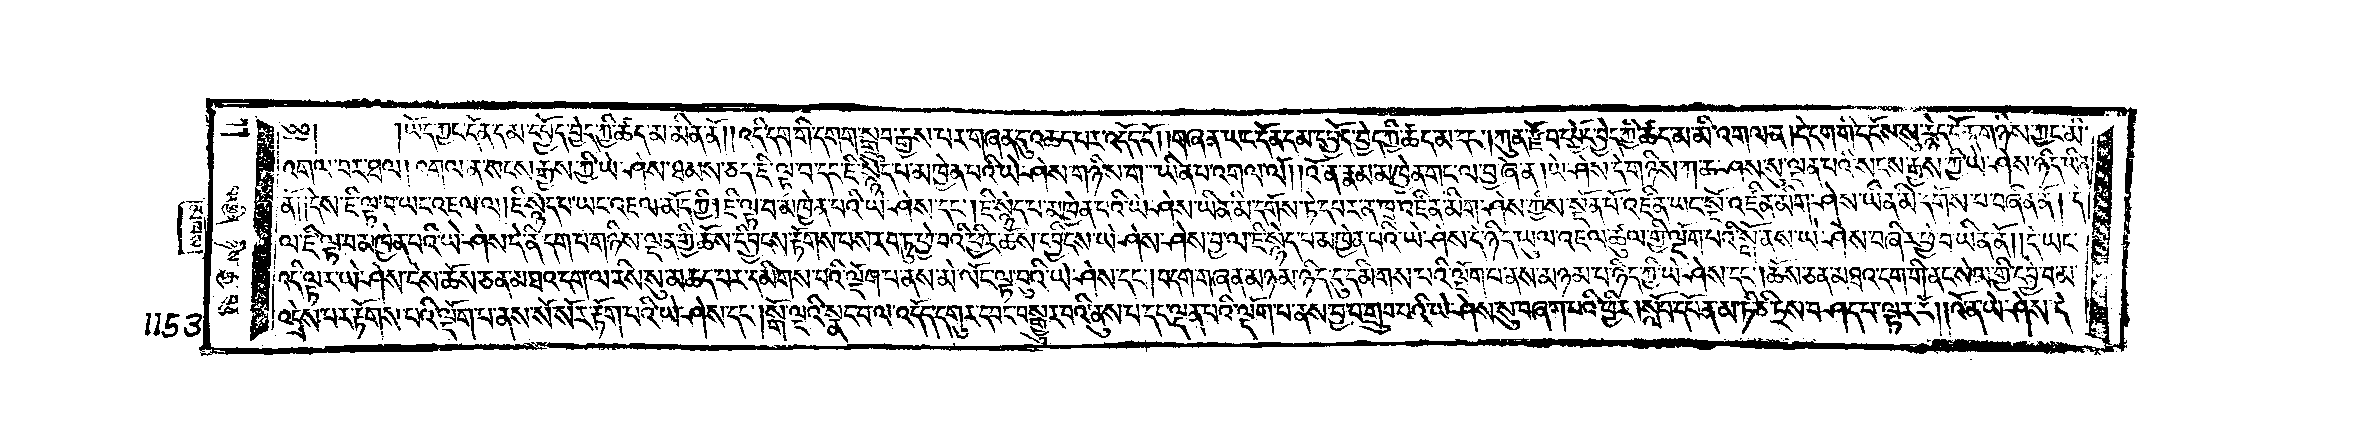༄༅། །ཡོད་ཀྱང་དོན་དམ་དཔྱོད་བྱེད་ཀྱི་ཚད་མ་མིན་ནོ། །འདི་དག་གི་དགག་སྒྲུབ་རྒྱས་པར་གཞན་དུ་འཆད་པར་འདོད་དོ། །གཞན་ཡང་དོན་དམ་དཔྱོད་བྱེད་ཀྱི་ཚད་མ་དང་། ཀུན་རྫོབ་དཔྱོད་བྱེད་ཀྱི་ཚད་མ་མི་འགལ་ན། དེ་དག་གི་དངོས་སུ་རྙེད་དོན་གཉིས་ཀྱང་མི་
འགལ་བར་ཐལ། འགལ་ན་སངས་རྒྱས་ཀྱི་ཡེ་ཤེས་ཐམས་ཅད་ཇི་ལྟ་བ་དང་ཇི་སྙེད་པ་མཁྱེན་པའི་ཡེ་ཤེས་གཉིས་ག་ཡིན་པ་འགལ་ལོ། །འོ་ན་རྣམ་མཁྱེན་གང་ལ་བྱ་ཞེ་ན། ཡེ་ཤེས་དེ་གཉིས་ཀ་ཆ་ཤས་སུ་ལྡན་པའི་སངས་རྒྱས་ཀྱི་ཡེ་ཤེས་ཉིད་ཡིན་
ནོ། །དེས་ཇི་ལྟ་བ་ཡང་འཇལ་ལ། ཇི་སྙེད་པ་ཡང་འཇལ་མོད་ཀྱི། ཇི་ལྟ་བ་མཁྱེན་པའི་ཡེ་ཤེས་དང་། ཇི་སྙེད་པ་མཁྱེན་པའི་ཡེ་ཤེས་ཡིན་མི་དགོས་ཏེ་དཔེར་ན་ཁྲ་འཛིན་མིག་ཤེས་ཀྱིས་སྔོན་པོ་འཛིན་ཡང་སྔོ་འཛིན་མིག་ཤེས་ཡིན་མི་དགོས་པ་བཞིན་ནོ། དེ་
ལ་ཇི་ལྟ་བ་མཁྱེན་པའི་ཡེ་ཤེས་དེ་ནི་དག་པ་གཉིས་ལྡན་གྱི་ཆོས་དབྱིངས་རྟོགས་པས་རབ་ཏུ་ཕྱེ་བའི་ཕྱིར་ཆོས་དབྱིངས་ཡེ་ཤེས་བྱ་ལ་ཇི་སྙེད་པ་མཁྱེན་པའི་ཡེ་ཤེས་དེ་ཉིད་ཡུལ་འཇལ་ཚུལ་གྱི་ལྡོག་པའི་སྒོ་ནས་ཡེ་ཤེས་བཞིར་ཕྱེ་བ་ཡིན་ནོ། །དེ་ཡང་
འདི་ལྟར་ཡེ་ཤེས་དེས་ཆོས་ཅན་མཐའ་དག་ལ་རིས་སུ་མཆད་པར་དམིགས་པའི་ལྡོག་པ་ནས་མེ་ལོང་ལྟ་བུའི་ཡེ་ཤེས་དྣག། བདག་གཞན་མཉམ་ཉིད་དུ་དམིགས་པའི་ལྡོག་པ་ནས་མཉམ་པ་ཉིད་ཀྱི་ཡེ་ཤེས་དྣག། ཆོས་ཅན་མཐའ་དག་གི་ནང་སེལ་གྱི་དབྱེ་བ་མ་
འདྲེས་པར་རྟོགས་པའི་ལྡོག་པ་ནས་སོ་སོར་རྟོག་པའི་ཡེ་ཤེས་དང་། སྒོ་ལྔའི་སྣང་བ་ལ་འདོད་དགུར་དབང་བསྒྱུར་བའི་ནུས་པ་དང་ལྡན་པའི་ལྡོག་པ་ནས་བྱ་བ་གྲུབ་པའི་ཡེ་ཤེས་སུ་བཞག་པའི་ཕྱིར། སློབ་དཔོན་མ་ཏ་ཅི་ཏྲིས་བཤད་པ་ལྟར་རོ། །འོ་ན་ཡེ་ཤེས་དེ་